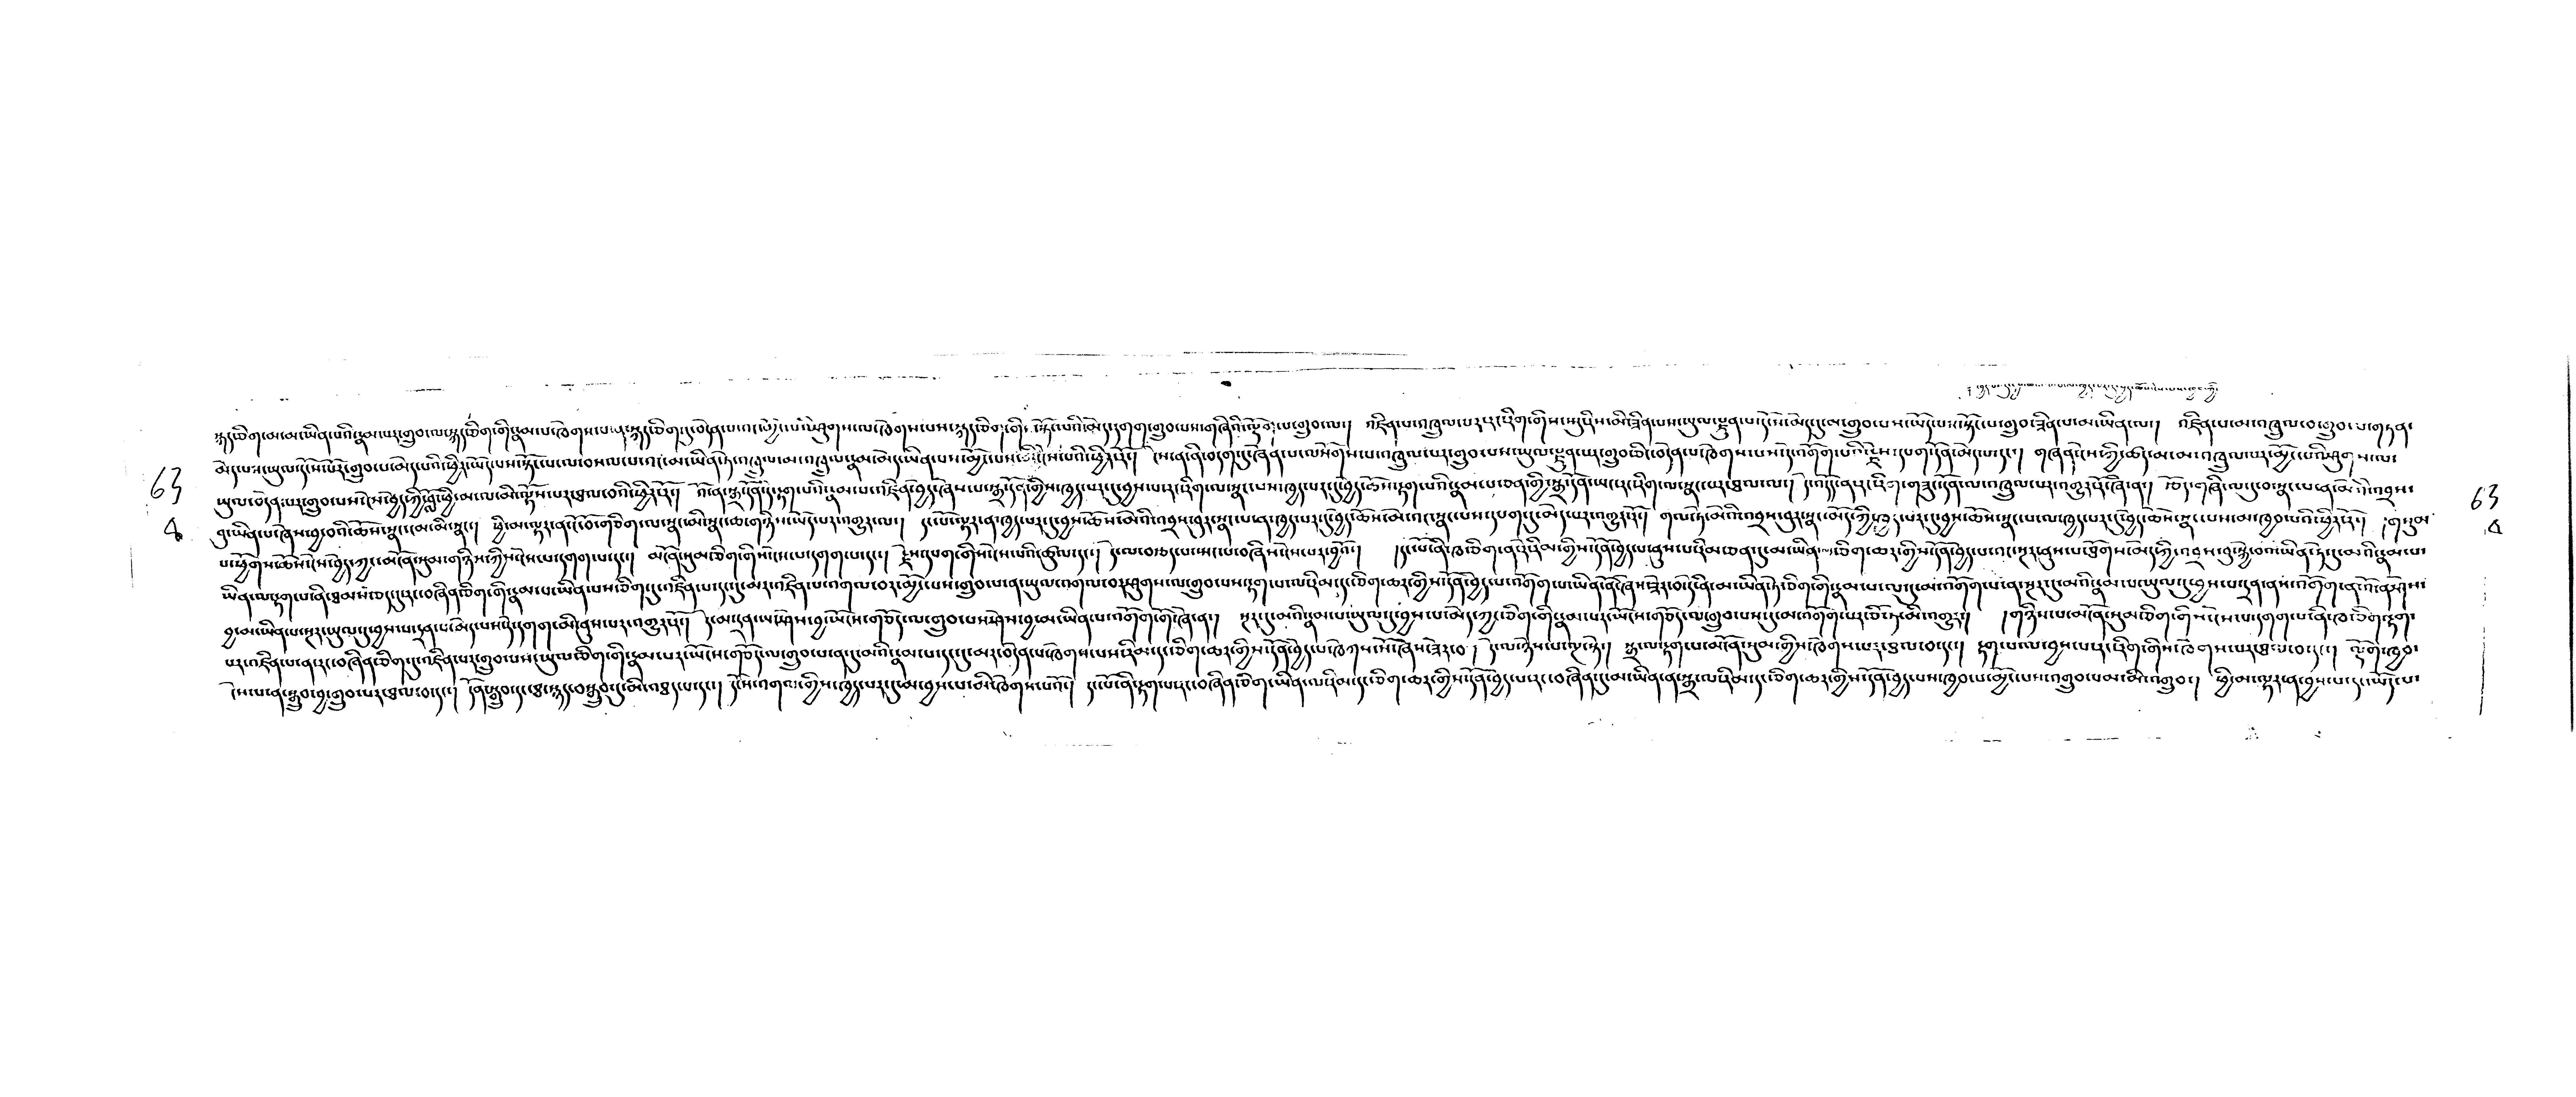སྐད་ཅིག་མ་མ་ཡིན་པའི་རྣམ་པར་གྲུབ་ལ་སྐད་ཅིག་གི་རྣམ་པ་ཁེགས་པ་ན་སྐད་ཅིག་དུ་བདེན་པ་འང་མྱོང་པའི་ཤུགས་ལ་ཁེགས་པས་སྐད་ཅིག་གིས་སྟོང་པའི་མེད་དགག་གྲུབ་པས་གཞིའི་ལྡོག་པ་གྲུབ་ལ། འཛིན་པ་འཁྲུལ་པར་རང་རིག་གིས་སྤུ་རིས་མི་ཟིན་པས་ཡུལ་རྫུན་པ་དངོས་མེད་དུ་མ་གྲུབ་པས་ཡོད་པས་སྟོང་པ་གྲུབ་ཟིན་པ་མ་ཡིན་ལ། འཛིན་པ་མ་འཁྲུལ་བ་གྲུབ་པ་གཏན་
མེད་པས་ཡུལ་དངོས་པོར་གྲུབ་པ་མེད་པའི་ཕྱིར་ཡོད་པས་སྟོང་པ་ལ་བསལ་པ་འང་མ་ཡིན་ཏེ་འཁྲུལ་མ་འཁྲུལ་རྣམ་མེད་ཡིན་པས་མྱོང་པས་མི་ངེས་པའི་ཕྱིར་རོ། ངེས་ན་ནི་བདག་དུ་ཞེན་པ་ལ་སོགས་པ་འཁྲུལ་པར་གྲུབ་པས་ཡུལ་རྫུན་པར་གྲུབ་ཅིང་བདེན་པ་ཁེགས་པས་དེ་འགོག་པའི་རྗེས་དཔག་དོན་མེད་པ་དང་། གཞན་ངེས་ཀྱི་ཚད་མ་མ་འཁྲུལ་པར་མྱོང་པའི་ཤུགས་ལ་
ཡུལ་བདེན་པར་གྲུབ་པས་ངེས་བྱེད་ཀྱི་བློ་ཕྱི་མ་ལ་མི་ལྟོས་པར་ཐལ་བའི་ཕྱིར་རོ། འོ་ན་སྒྲ་དོན་དེ་རྟག་པའི་རྣམ་པ་འཛིན་བྱེད་ཞེས་པ་སྒྲ་དོན་གྱིས་ཁྱད་པར་དུ་བྱས་པ་རང་རིག་ལ་སྣང་པས་ཁྱད་པར་དུ་བྱེད་ཆོས་རྟག་པའི་རྣམ་པ་ཅན་གྱི་སྒྲ་དོན་ཡང་རང་རིག་ལ་སྣང་པར་ཐལ་ལ། དེ་འདོད་ན་རང་རིག་གཟུང་དོན་ལ་འཁྲུལ་པར་འགྱུར་རོ་ཞེ་ན། རྩོད་གཞི་ལ་དུ་བ་སྣང་པ་ན་མེའི་འབྲས་
བུ་ཡིན་པ་ཞེས་བྱ་བའི་ཆོས་སྣང་ངམ་མི་སྣང་། ཕྱི་མ་ལྟར་ན་ངོ་བོ་གཅིག་ལ་སྣང་མི་སྣང་ཆ་གཉིས་ཡོད་པར་འགྱུར་ལ། དང་པོ་ལྟར་ན་ཁྱད་པར་དུ་བྱས་ཆོས་མེའི་འབྲས་བུར་སྣང་པ་ན་ཁྱད་པར་དུ་བྱེད་ཆོས་མེ་འང་སྣང་པས་དཔག་དུ་མེད་པར་འགྱུར་རོ། གལ་ཏེ་མེའི་འབྲས་བུར་སྣང་མོད་ཀྱི་ཁྱད་པར་དུ་བྱས་ཆོས་སྣང་པ་ལ་ཁྱད་པར་དུ་བྱེད་ཆོས་སྣང་པས་མ་ཁྱབ་པའི་ཕྱིར་རོ། །གསུམ་
པ་ཕྱོགས་ཆོས་ངེས་བྱེད་ཀྱང་མངོན་སུམ་གཉིས་ཀྱིས་ངེས་པ་དགག་པ་དང་། མངོན་སུམ་ཅིག་གིས་ངེས་པ་དགག་པ་དང་། རྗེས་དཔག་གིས་ངེས་པའི་ཚུལ་དང་། དེ་ལ་བརྩད་པ་སྤང་པ་བཞིས་ངེས་པར་བྱའོ། །དང་པོ་ནི་ཁ་ཅིག་ན་རེ་རིམ་གྱིས་དོན་བྱེད་པ་ནུས་པ་རིམ་ཅན་དུ་མ་ཡིན་པ་ཅིག་ཆར་གྱིས་དོན་བྱེད་པ་འང་སྔར་ནུས་པ་ཐོགས་མེད་ཀྱི་འབྲས་བུ་སྐྱེ་བས་ཡིན་ཏེ་དུ་མའི་རྣམ་པ་
ཡིན་མ་རྟག་པ་ནི་ཐམས་ཅད་དུ་རང་བཞིན་ཅིག་གི་རྣམ་པ་ཡིན་པས་ཅིག་དུ་འཛིན་པ་དང་དུ་མར་འཛིན་པ་འགལ་བར་མྱོང་པས་གྲུབ་པ་ན་ཡུལ་འགལ་བར་ཤུགས་ལ་གྲུབ་པས་རྟག་པ་ལ་རིམ་དང་ཅིག་ཆར་གྱིས་དོན་བྱེད་པ་འགོག་པ་ཡིན་ནོ་ཞེས་ཟེར་བ་དེ་ནི་མ་ཡིན་ཏེ་ཅིག་གི་རྣམ་པ་ལ་དུ་མ་འགོག་པ་ན་སྔར་དུ་མའི་རྣམ་པ་ཡུལ་དུ་བྱས་པ་དྲན་ནས་འགོག་ན་འོ་ན་ཤེས་
བྱ་མ་ཡིན་པ་སྔར་ཡུལ་དུ་བྱས་པ་དྲན་པ་མེད་པས་དེ་དགག་མི་ནུས་པར་འགྱུར་རོ། དེ་མ་དྲན་ཡང་ཤེས་བྱ་ཡོངས་གཅོད་ལ་གྲུབ་པས་ཤེས་བྱ་མ་ཡིན་པ་འགོག་གོ་ཞེ་ན། སྔར་དུ་མའི་རྣམ་པ་ཡུལ་དུ་བྱས་པ་མེད་ཀྱང་ཅིག་གི་རྣམ་པར་ཡོངས་གཅོད་ལ་གྲུབ་པས་དུ་མ་འགོག་པར་ཅི་ཏེ་མི་འགྱུར། །གཉིས་པ་མངོན་སུམ་ཅིག་གིས་ངེས་པ་དགག་པ་ནི་ཁ་ཅིག་རྟག་
པར་འཛིན་པ་ན་རང་བཞིན་ཅིག་དུ་འཛིན་པར་གྲུབ་པས་ཡུལ་ཅིག་གི་རྣམ་པར་ཡོངས་གཅོད་ལ་གྲུབ་པ་ན་དུ་མའི་རྣམ་པ་དང་དུ་མར་བདེན་པ་ཁེགས་པས་རིམ་དང་ཅིག་ཆར་གྱིས་དོན་བྱེད་པ་ཁེགས་སོ་ཞེས་ཟེར་བ། དེ་ལ་ཉེས་པ་ལྔ་སྟེ། སྒྲ་ལ་རྟག་པ་མངོན་སུམ་གྱིས་ཁེགས་པར་ཐལ་བ་དང་། རྟག་པ་ལ་བྱས་པ་རང་རིག་གིས་ཁེགས་པར་ཐལ་བ་དང་། ལྡོག་ཁྱབ་
ངེས་པ་ན་སྒྲུབ་བྱ་གྲུབ་པར་ཐལ་བ་དང་། དོན་སྒྲུབ་དང་ཐ་སྙད་བསྒྲུབ་དུ་མི་འཐད་པ་དང་། དངོས་འགལ་གྱིས་ཁྱད་པར་དུ་མ་བྱས་པ་བའི་ཁེགས་པའོ། དང་པོ་ནི་རྟག་པ་རང་བཞིན་ཅིག་ཡིན་ལ་རིམ་དང་ཅིག་ཆར་གྱིས་དོན་བྱེད་པ་རང་བཞིན་དུ་མ་ཡིན་ན་སྒྲ་ལ་རིམ་དང་ཅིག་ཆར་གྱིས་དོན་བྱེད་པས་ཁྱབ་པ་མྱོང་པས་འགྲུབ་པམ་མི་འགྲུབ། ཕྱི་མ་ལྟར་ན་བྱས་པ་དང་ཡོད་པ་